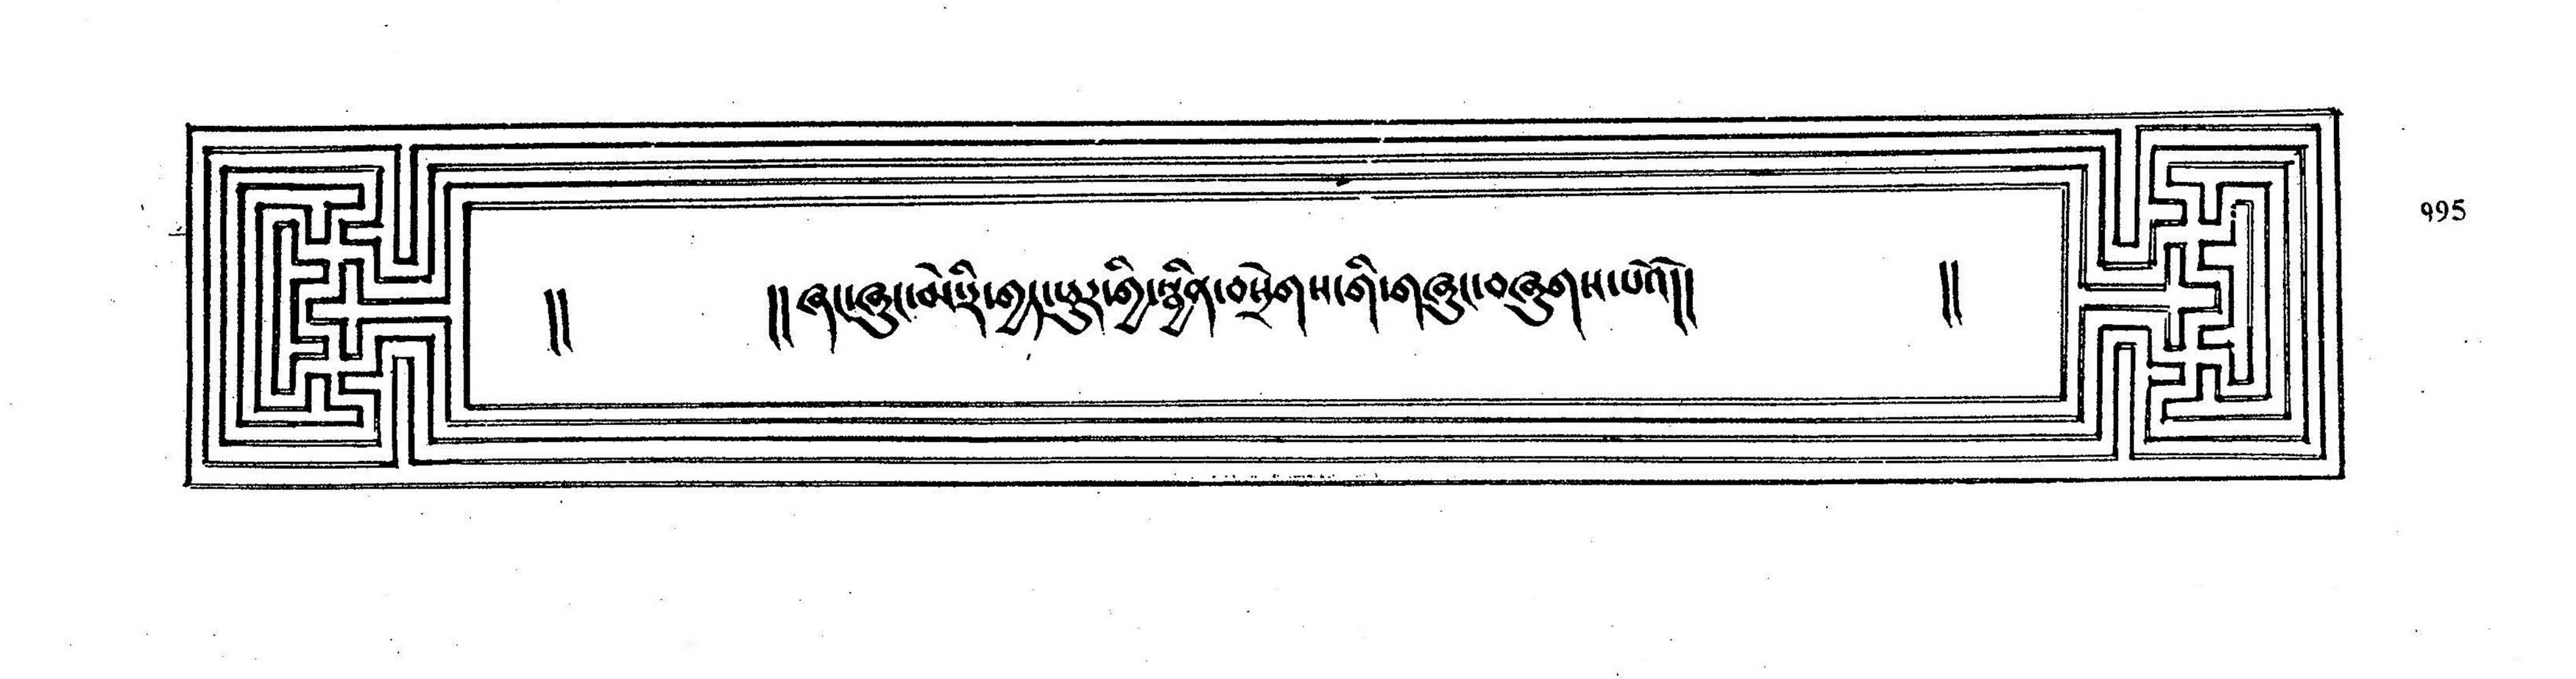།། །།ཞང་ཞུང་མེ་རི་གྱད་ཕུར་གྱི་སྦྱིན་བསྲེགས་གི་གཞུང་བཞུགས་པའོ།། །།